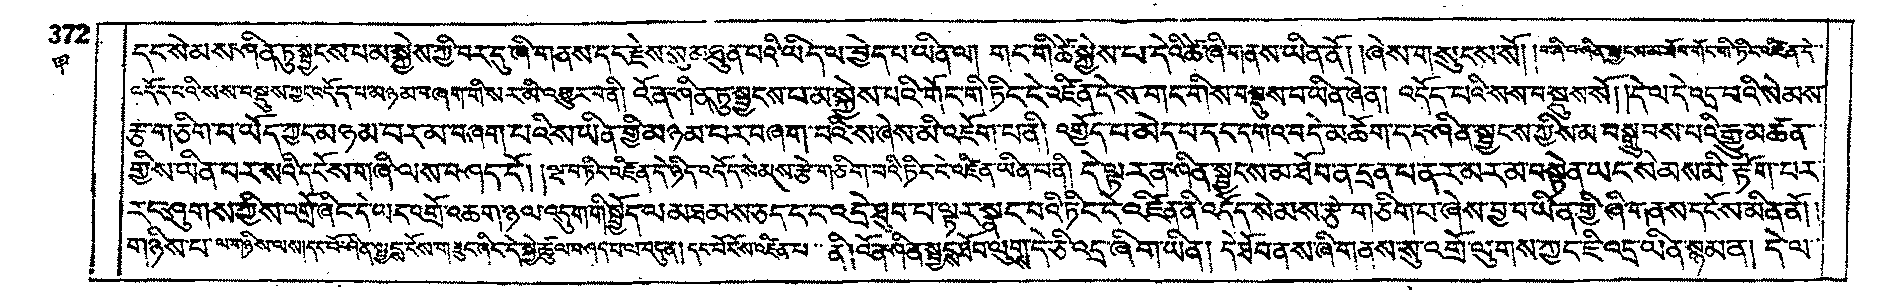དང་སེམས་ཤིན་ཏུ་སྦྱངས་པ་མ་སྐྱེས་ཀྱི་བར་དུ་ཞི་ངས་དང་རྗེས་སུ་མཐུན་པའི་ཡིད་ལ་བྱེད་པ་ཡིན་ལ། གང་གི་ཚེ་སྐྱེས་པ་དེའི་ཚེ་ཞི་གནས་ཡིན་ནོ། །ཞེས་གསུངས་སོ། །བཞི་པ་ཤིན་སྦྱངས་མ་ཐོབ་གོང་གི་ཏིང་ངེ་འཛིན་དེ་
འདོད་པའི་སས་བསྡུས་ཀྱང་འདོད་པ་མཉམ་བཞག་གི་སར་མི་འགྱུར་བ་ནི། འོ་ན་ཤིན་ཏུ་སྦྱངས་པ་མ་སྐྱེས་པའི་གོང་གི་ཏིང་ངེ་འཛིན་དེ་ས་གང་གིས་བསྡུས་པ་ཡིན་ཞེ་ན། འདོད་པའི་སས་བསྡུས་སོ། །དེ་ལ་དེ་འདྲ་བའི་སེམས་
རྩ་གཅིག་པ་ཡོད་ཀྱང་མཉམ་པར་མ་བཞག་པའི་ས་ཡིན་གྱི་མཉམ་པར་བཞག་པའི་ས་ཞེས་མི་འཇོག་པ་ནི། འགྱོད་པ་མེད་པ་དང་དགའ་བདེ་མཆོག་དང་ཤིན་སྦྱངས་ཀྱིས་མ་བསྒྲུབས་པའི་རྒྱུ་མཚན་
གྱིས་ཡིན་པར་སའི་དངོས་གཞི་ལས་བཤད་དོ། ལྔ་པ་ཏིང་ངེ་འཛིན་དེ་ཉིད་འདོད་སེམས་རྩེ་གཅིག་བའི་ཏིང་ངེ་འཛིན་ཡིན་པ་ནི།  དེ་ལྟར་ན་ཤིན་སྦྱངས་མ་ཐོབ་ན་དྲན་པ་ནར་མར་མ་བསྟེན་ཡང་སེམས་མི་རྟོག་པར་
རང་ཤུགས་ཀྱིས་འགྲོ་ཞིང་དེ་ཡང་འགྲོ་འཆག་ཉལ་འདུག་གྱི་སྤྱོད་ལམ་ཐམས་ཅད་དང་འདྲེ་ཐུབ་པ་ལྟར་སྣང་བའི་ཏིང་ངེ་འཛིན་ནི་འདོད་སེམས་རྩེ་གཅིག་པ་ཞེས་བྱ་བ་ཡིན་གྱི་ཞི་གནས་དངོས་མིན་ནོ། །
གཉིས་པ་ལ་གཉིས་ལས། དང་པོ་ཤིན་སྦྱངས་ངོས་གཟུང་ཞིང་དེ་སྐྱེ་ཚུལ་བཤད་པ་ལ་འདུན། དང་པོ་ངོས་འཛིན་པ་ནི། འོ་ན་ཤིན་སྦྱངས་ཐོག་ལུགས་དེ་ཅི་འདྲ་ཞིག་ཡིན། དེ་ཐོབ་ནས་ཞི་གནས་སུ་འགྲོ་ལུགས་ཀྱང་ཇི་འདྲ་ཡིན་སྙམ་ན། དེ་ལ་